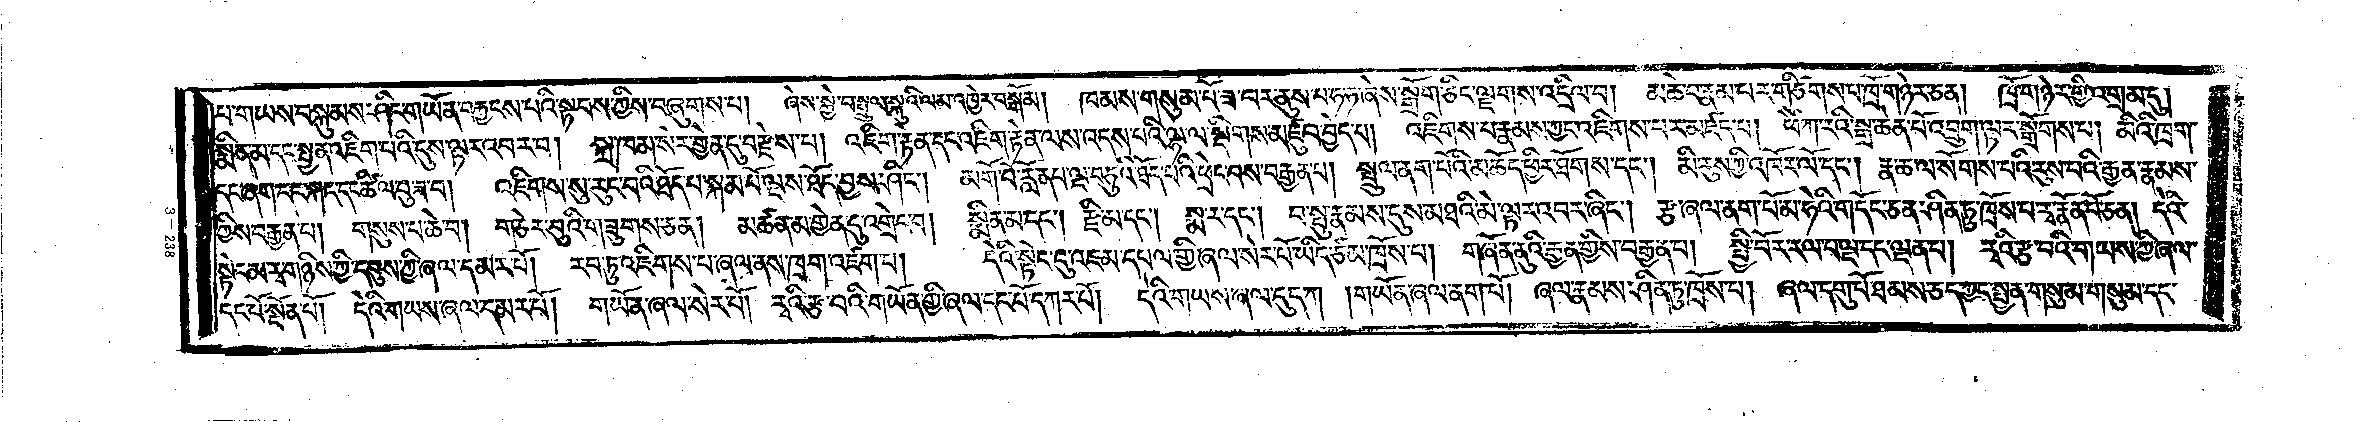པ་གཡས་བསྐུམས་ཤིང་གཡོན་བརྐྱངས་པའི་སྟབས་ཀྱིས་བཞུགས་པ། ཞེས་སྐྱེ་བ་སྤྲུལ་སྐུའི་ལམ་འཁྱེར་བསྒོམ།  ཁམས་གསུམ་པོ་ཟ་བར་ནུས་པ་ཧ་ཧ་ཞེས་སྒྲོག་ཅིང་ལྗགས་འདྲིལ་བ། མཆེ་བ་རྣམ་པར་གཙིགས་པ་ཁྲོ་གཉེར་ཅན། ཁྲོ་གཉེར་གྱི་འགྲམ་དུ།
སྨིན་མ་དང་སྤྱན་འཇིག་པའི་དུས་ལྟར་འབར་བ། སྐྲ་ཁམ་སེར་གྱེན་དུ་བརྫེས་པ། འཇིག་རྟེན་དང་འཇིག་རྟེན་ལས་འདས་པའི་ལྷ་ལ་སྡིགས་མཛུབ་བྱེད་པ། འཇིགས་པ་རྣམས་ཀྱང་འཇིགས་པར་མཛད་པ། ཕཻ་ཀ་རའི་སྒྲ་ཆེན་པོ་འབྲུག་ལྟར་སྒྲོགས་པ། མིའི་ཁྲག་
དང་ཞག་དང་སྐད་དང་ཚིལ་བུ་ཟ་པ། འཇིགས་སུ་རུང་བའི་ཐོད་པ་སྐམ་པོ་ལྔས་ཐོད་བྱས་ཤིང་། མགོ་བོ་རློན་པ་ལྔ་བཅུའི་ཐོད་པའི་ཕྲེང་བས་བརྒྱན་པ། སྤྲུལ་ནག་པོའི་མཆོད་ཕྱིར་ཐོགས་དང་། མི་རུས་ཀྱི་འཁོར་ལོ་དང་། རྣམ་ཆ་ལ་སོགས་པའི་རུས་པའི་རྒྱན་རྣམས་
ཀྱིས་བརྒྱན་པ། གསུས་པ་ཆེ་བ། གཅེར་བུའི་གཟུགས་ཅན། མཚན་མགྱེན་དུ་འགྲེང་བ། སྨིན་མ་དང་། རྫི་མ་དང་། སྨར་དང་། བ་སྤུ་རྣམས་དུས་མཐའི་མེ་ལྟར་འབར་ཞིང་། རྩ་ཞལ་ནག་པོ་མ་ཧེའི་གདོང་ཅན་ཤིན་ཏུ་ཁྲོས་པ་རྭ་རྣོན་པོ་ཅན། དེའི་
སྟེང་མ་རྭ་གཉིས་ཀྱི་དབུས་ཀྱི་ཞལ་དམར་པོ། རབ་ཏུ་འཇིགས་པ་ཞལ་ནས་ཁྲག་འཛག་པ། དེའི་སྟེང་དུ་འཇམ་དཔལ་གྱི་ཞལ་སེར་པོ་ཡིད་ཙམ་ཁྲོས་པ། གཞོན་ནུའི་རྒྱན་གྱིས་བརྒྱན་པ། སྤྱི་བོར་རལ་པ་ལྔ་དང་ལྡན་པ། རྭའི་རྩ་བའི་གཡས་ཀྱི་ཞལ་
དང་པོ་སྔོན་པོ། དེའི་གཡས་ཞལ་དམར་པོ། གཡོན་ཞལ་སེར་པོ། རྭའི་རྩ་བའི་གཡོན་གྱི་ཞལ་དང་པོ་དཀར་པོ། དེའི་གཡས་ཞལ་དུད་ཀ །གཡོན་ཞལ་ནག་པོ། ཞལ་རྣམས་ཤིན་ཏུ་ཁྲོས་པ། ཞལ་དགུ་པོ་ཐམས་ཅད་ཀྱང་སྤྱན་གསུམ་གསུམ་དང་